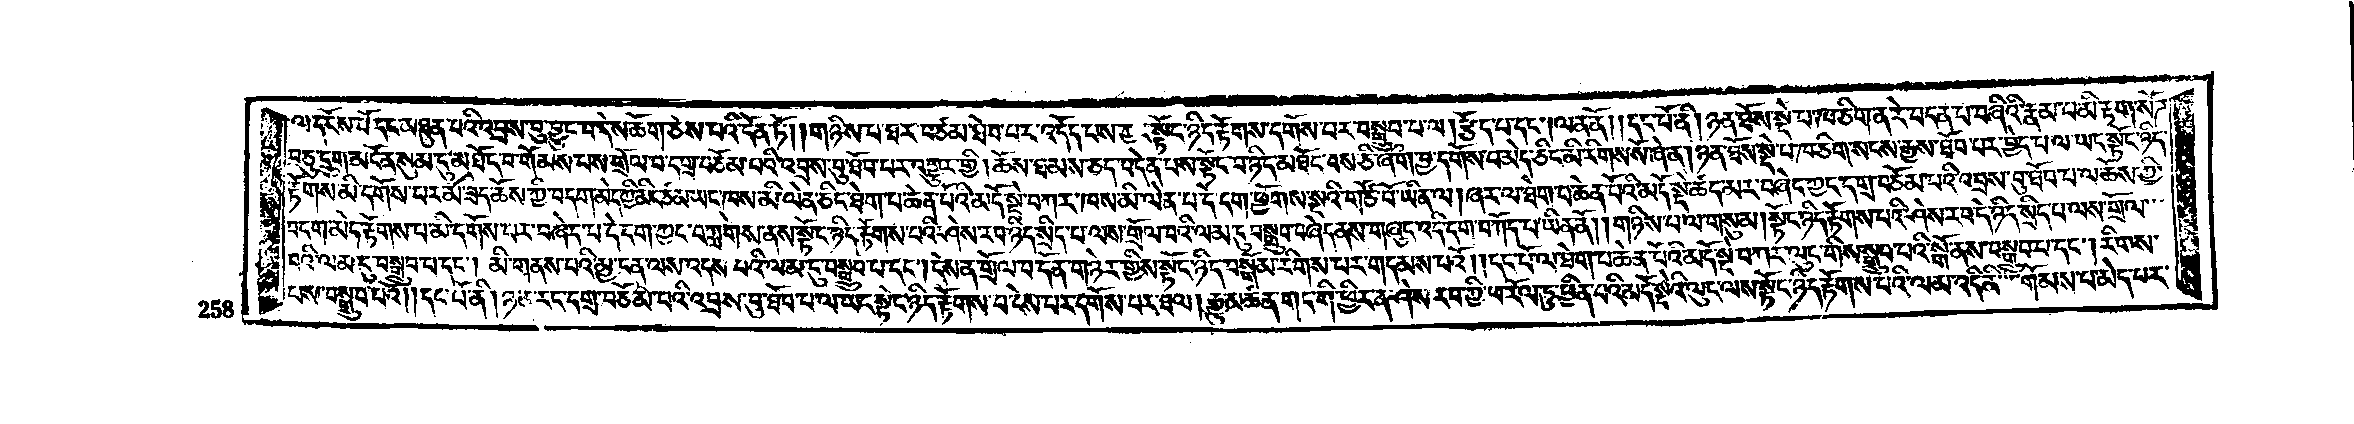ལ་དངོས་པོ་དང་མཐུན་པའི་འབྲས་བུ་བྱུང་བ་དེས་ཆོག་ཅེས་པའི་དོན་ཏོ། །གཉིས་པ་ཐར་བ་ཙམ་ཐེག་པར་འདོད་པས་ཀྱང་སྟོང་ཉིད་རྟོགས་དགོས་པར་བསྒྲུབ་པ་ལ། རྩོད་པ་དང་། ལན་ནོ། །དང་པོ་ནི། ཉན་ཐོས་སྡེ་པ་ཁ་ཅིག་ན་རེ་བདེན་པ་བཞིའི་རྣམ་པ་མི་རྟག་སོགས་
བཅུ་དྲུག་མངོན་སུམ་དུ་མཐོད་པ་གོམས་པས་གྲོལ་བ་དགྲ་བཅོམ་པའི་འབྲས་བུ་ཐོབ་པར་འགྱུར་གྱི་།ཆོས་ཐམས་ཅད་བདེན་པས་སྟོང་པ་ཉིད་མཐོང་བས་ཅི་ཞིག་བྱ་དགོས་པ་མེད་ཅིང་མི་རིགས་སོ་ཞེ་ན། ཉན་ཐོས་སྡེ་པ་ཁ་ཅིག་སངས་རྒྱས་ཐོབ་པར་བྱེད་པ་ལ་ཡང་སྟོང་ཉིད་
རྟོགས་མི་དགོས་པར་མ་ཟད་ཆོས་ཀྱི་བདག་མེད་ཀྱི་མིང་ཙམ་ཡང་ཁས་མི་ལེན་ཅིང་ཐེག་པ་ཆེན་པོའི་མདོ་སྡེ་བཀར་ཁས་མི་ལེན་པ་དེ་དག་ཕྱོགས་སྔའི་གཙོ་བོ་ཡིན་ལ། ཞར་ལ་ཐེག་པ་ཆེན་པོའི་མདོ་སྡེ་ཚད་མར་བཞེད་ཀྱང་དགྲ་བཅོམ་པའི་འབྲས་བུ་ཐོབ་པ་ལ་ཆོས་ཀྱི་
བདག་མེད་རྟོགས་པ་མི་དགོས་པར་བཞེད་པ་དེད་དག་ཀྱང་བཀློགས་ནས་སྟོང་ཉིད་རྟོགས་པའི་ཤེས་རབ་ཉིད་སྲིད་པ་ལས་གྲོལ་བའི་ལམ་དུ་བསྒྲུབ་བཞེད་ནས་གཞུང་འདི་དག་བཀོད་པ་ཡིན་ནོ། །གཉིས་པ་ལ་གསུམ། སྟོང་ཉིད་རྟོགས་པའི་ཤེས་རབ་དེ་ཉིད་སྲིད་པ་ལས་གྲོལ་
བའི་ལམ་དུ་བསྒྲུབ་པའོ། །དང་པོ་ནི། ཉན་རང་དགྲ་བཅོམ་པའི་འབྲས་བུ་ཐོབ་པ་ལ་ཡང་སྟོང་ཉིད་རྟོགས་པ་ངེས་པར་དགོས་པར་ཐལ། རྒྱུ་མཚན་གང་གི་ཕྱིར་ན་ཤེས་རབ་ཀྱི་ཕ་རོལ་ཏུ་ཕྱིན་པའི་མདོ་སྡེའི་ལུང་ལས་སྟོང་ཉིད་རྟོགས་པའི་ལམ་འདི་ནི་གོམས་པ་མེད་པར་